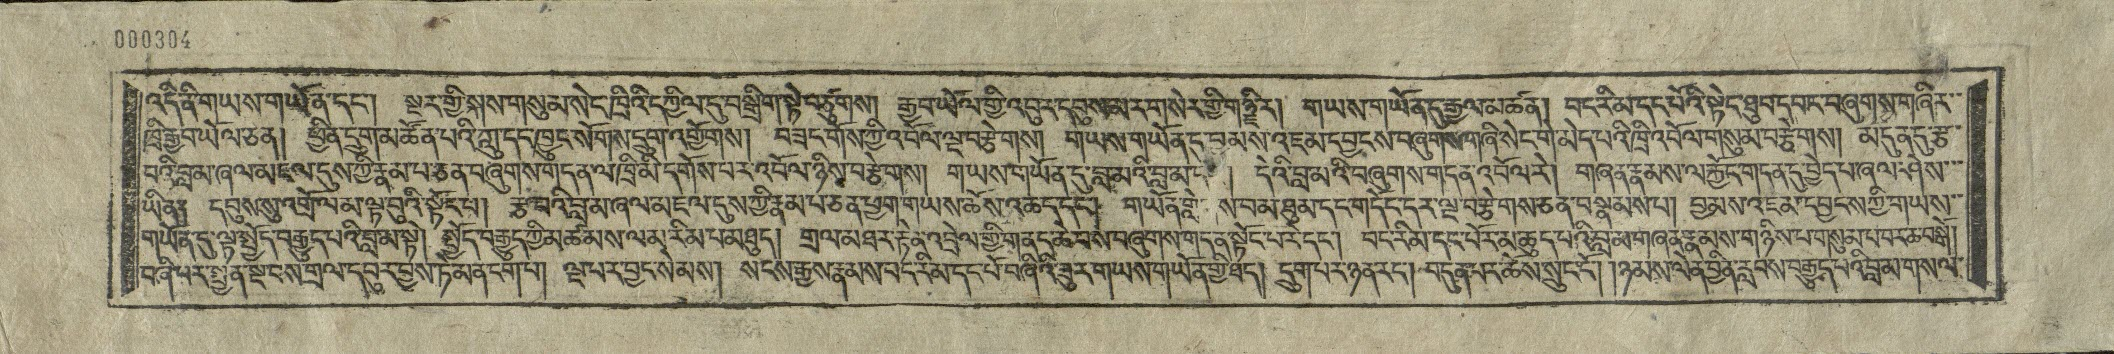འདི་ནི་གཡས་གཡོན་དང་། སྔར་གྱི་སྐས་གསུམ་སེང་ཁྲིའི་དཀྱིལ་དུ་བསྒྲིག་སྟེ་བཙུགས། རྒྱབ་ཡོལ་གྱི་འབུར་དབུས་མར་གསེར་གྱི་གཉྗི་ར། གཡས་གཡོན་དུ་རྒྱལ་མཚན། བང་རིམ་དང་པོའི་སྟེང་ཐུབ་དབང་བཞུགས་གཞིར་
ཁྲི་རྒྱབ་ཡོལ་ཅན། ཕྱིན་དྲུག་མཚོན་པའི་ཀླུ་དང་ཁྱུང་སོགས་དྲུག་འགྱོགས། བཟང་གོས་ཀྱི་འབོལ་ལྔ་བརྩེགས། གཡས་གཡོན་དུ་བྱམས་འཇམ་དབྱངས་བཞུགས་གཞི་སེང་གེ་མེད་པའི་ཁྲི་འབོལ་གསུམ་བརྩེགས། མདུན་དུ་རྩ་
བའི་བླ་མ་ཞལ་མཇལ་དུས་ཀྱི་རྣམ་པ་ཅན་བཞུགས་གདན་ལ་ཁྲི་མི་དགོས་པར་འབོལ་ཉིས་བརྩེགས། གཡས་གཡོན་དུ་བླ་མའི་བླ་མ་དང་། དེའི་བླ་མའི་བཞུགས་གདན་འབོལ་རེ། གཞན་རྣམས་ལ་རྐྱོང་གདན་དུ་བྱེད་པ་ཞལ་ཤེས་
ཡིན༑ དབུས་སུ་འགྲོ་ལམ་ལྟ་བུའི་སྟོང་པ། རྩ་བའི་བླ་མ་ཞལ་མཇལ་དུས་ཀྱི་རྣམ་པ་ཅན་ཕྱག་གཡས་ཆོས་འཆད་དང་། གཡོན་གླེགས་བམ་ཐུམ་དང་གདོང་དར་ལྔ་བརྩེགས་ཅན་བསྣམས་པ། བྱམས་འཇམ་དབྱངས་ཀྱི་གཡས་
གཡོན་དུ་ལྟ་སྤྱོད་བརྒྱུད་པའི་བླ་མ་སྟེ། སྤྱོད་བརྒྱུད་ཀྱི་མཚམས་ལམ་རིམ་པ་མཐུད། གྲལ་མཐར་རྟེན་འབྲེལ་གྱི་གནད་ཆེ་བས་བཞུགས་གདན་སྟོང་པ་རེ་དང་། བང་རིམ་དང་པོར་མ་ཆུད་པའི་བླ་མ་གཞན་རྣམས་གཉིས་པ་གསུམ་པ་བར་ཆ་བསྒོ །
བཞི་པར་སྤྱན་སྔ་བས་གྲལ་དབུར་བྱས་ཏེ་མན་ངག་པ། ལྔ་པར་བྱང་སེམས། སངས་རྒྱས་རྣམས་བང་རིམ་དང་པོ་བཞིའི་ཟུར་གཡས་གཡོན་གྱི་ཐད། དྲུག་པར་ཉན་རང་། བདུན་པར་ཆོས་སྲུང་ངོ། །ཉམས་ལེན་བྱིན་རླབས་བརྒྱུད་པའི་བླ་མ་གསལ་